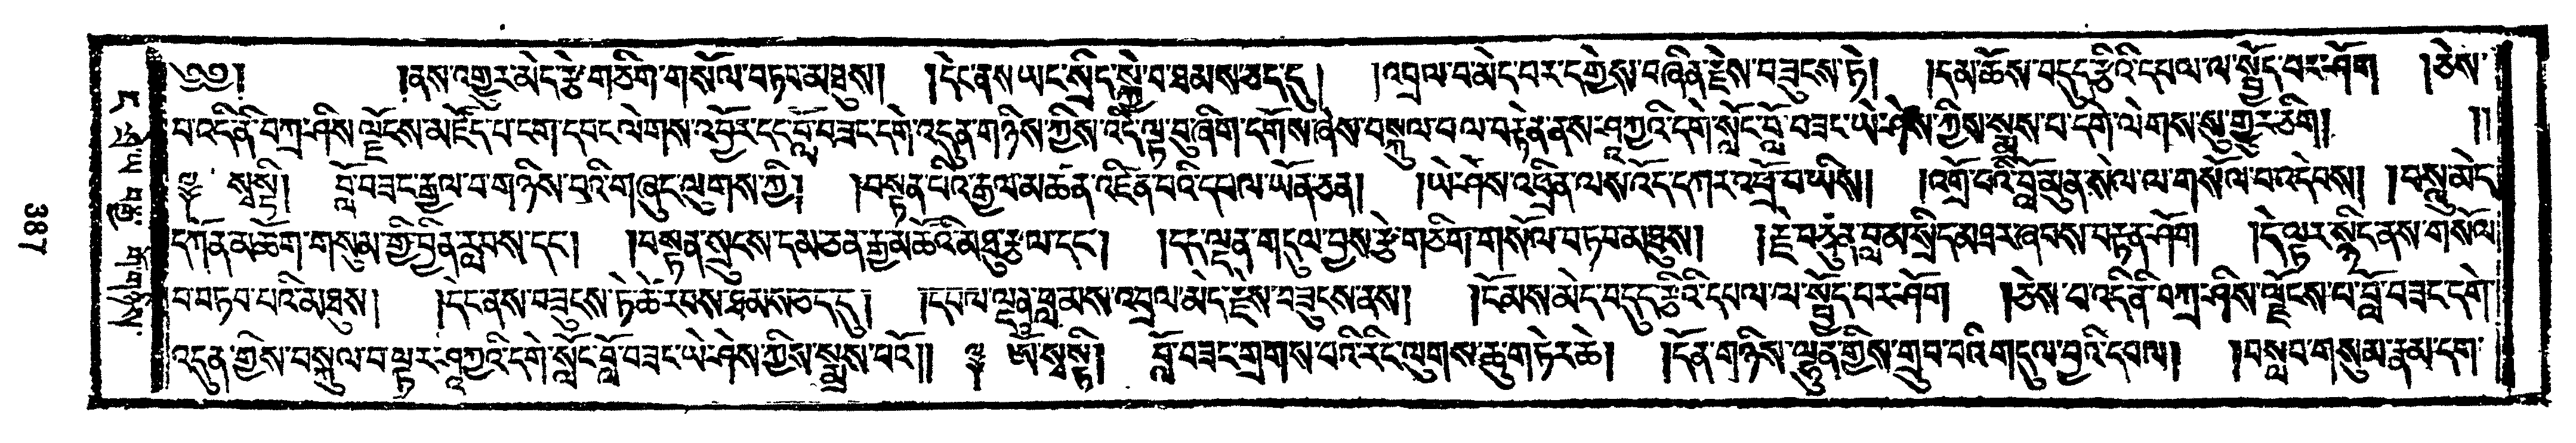༄༅། །ནས་འགྱུར་མེད་རྩེ་གཅིག་གསོལ་བཏབ་མཐུས། །དེང་ནས་ཡང་སྲིད་སྐྱེ་བ་ཐམས་ཅད་དུ། །འབྲལ་བ་མེད་པར་དགྱེས་བཞིན་རྗེས་བཟུངས་ཏེ། །དམ་ཆོས་བདུད་རྩིའི་དཔལ་ལ་སྤྱོད་པར་ཤོག །ཅེས་
པ་འདི་ནི་བཀྲ་ཤིས་ལྗོངས་མཛོད་པ་ངག་དབང་ལེགས་འབྱོར་དང་བློ་བཟང་དགེ་འདུན་གཉིས་ཀྱིས་འདི་ལྟ་བུ་ཞིག་དགོས་ཞེས་བསྐུལ་བ་ལ་བརྟེན་ནས་ཤཱཀྱའི་དགེ་སློང་བློ་བཟང་ཡེ་ཤེས་ཀྱིས་སྨྲས་པ་དགེ་ལེགས་སུ་གྱུར་ཅིག། །།
༈ སྭསྟི། བློ་བཟང་རྒྱལ་བ་གཉིས་བའི་གཞུང་ལུགས་ཀྱི། །བསྟན་པའི་རྒྱལ་མཚན་འཛིན་པའི་དཔལ་ཡོན་ཅན། །ཡེ་ཤེས་འཕྲིན་ལས་འོད་དཀར་འཕྲོ་བ་ཡིས། །འགྲོ་བའི་བློ་མུན་སེལ་ལ་གསོལ་བ་འདེབས། །བསླུ་མེད་
དཀོན་མཆོག་གསུམ་གྱི་བྱིན་རླབས་དང་། །བསྟན་སྲུངས་དམ་ཅན་རྒྱ་མཚོའི་མཐུ་རྩལ་དང་། །དད་ལྡན་གདུལ་བྱས་རྩེ་གཅིག་གསོལ་བཏབ་མཐུས། །རྗེ་བཙུན་བླ་མ་སྲིད་མཐར་ཞབས་བརྟན་ཤོག །དེ་ལྟར་སྙིང་ནས་གསོལ་
བ་བཏབ་པའི་མཐུས། །དེང་ནས་བཟུངས་ཏེ་ཚེ་རབས་ཐམས་ཅད་དུ། །དཔལ་ལྡན་བླ་མས་འབྲལ་མེད་རྗེས་བཟུངས་ནས། །ངོམས་མེད་བདུད་རྩིའི་དཔལ་ལ་སྤྱོད་པར་ཤོག །ཅེས་པ་འདི་ནི་བཀྲ་ཤིས་ལྗོངས་པ་བློ་བཟང་དགེ་
འདུན་གྱིས་བསྐུལ་བ་ལྟར་ཤཱཀྱའི་དགེ་སློང་བློ་བཟང་ཡེ་ཤེས་ཀྱིས་སྨྲས་པའོ།། ༈ ཨོཾ་སྭ་སྟི། བློ་བཟང་གྲགས་པའི་རིང་ལུགས་ཆུ་གཏེར་ཆེ། །དོན་གཉིས་ལྷུན་གྱིས་གྲུབ་བའི་གདུལ་བྱའི་དཔལ། །བསླབ་གསུམ་རྣམ་དག་